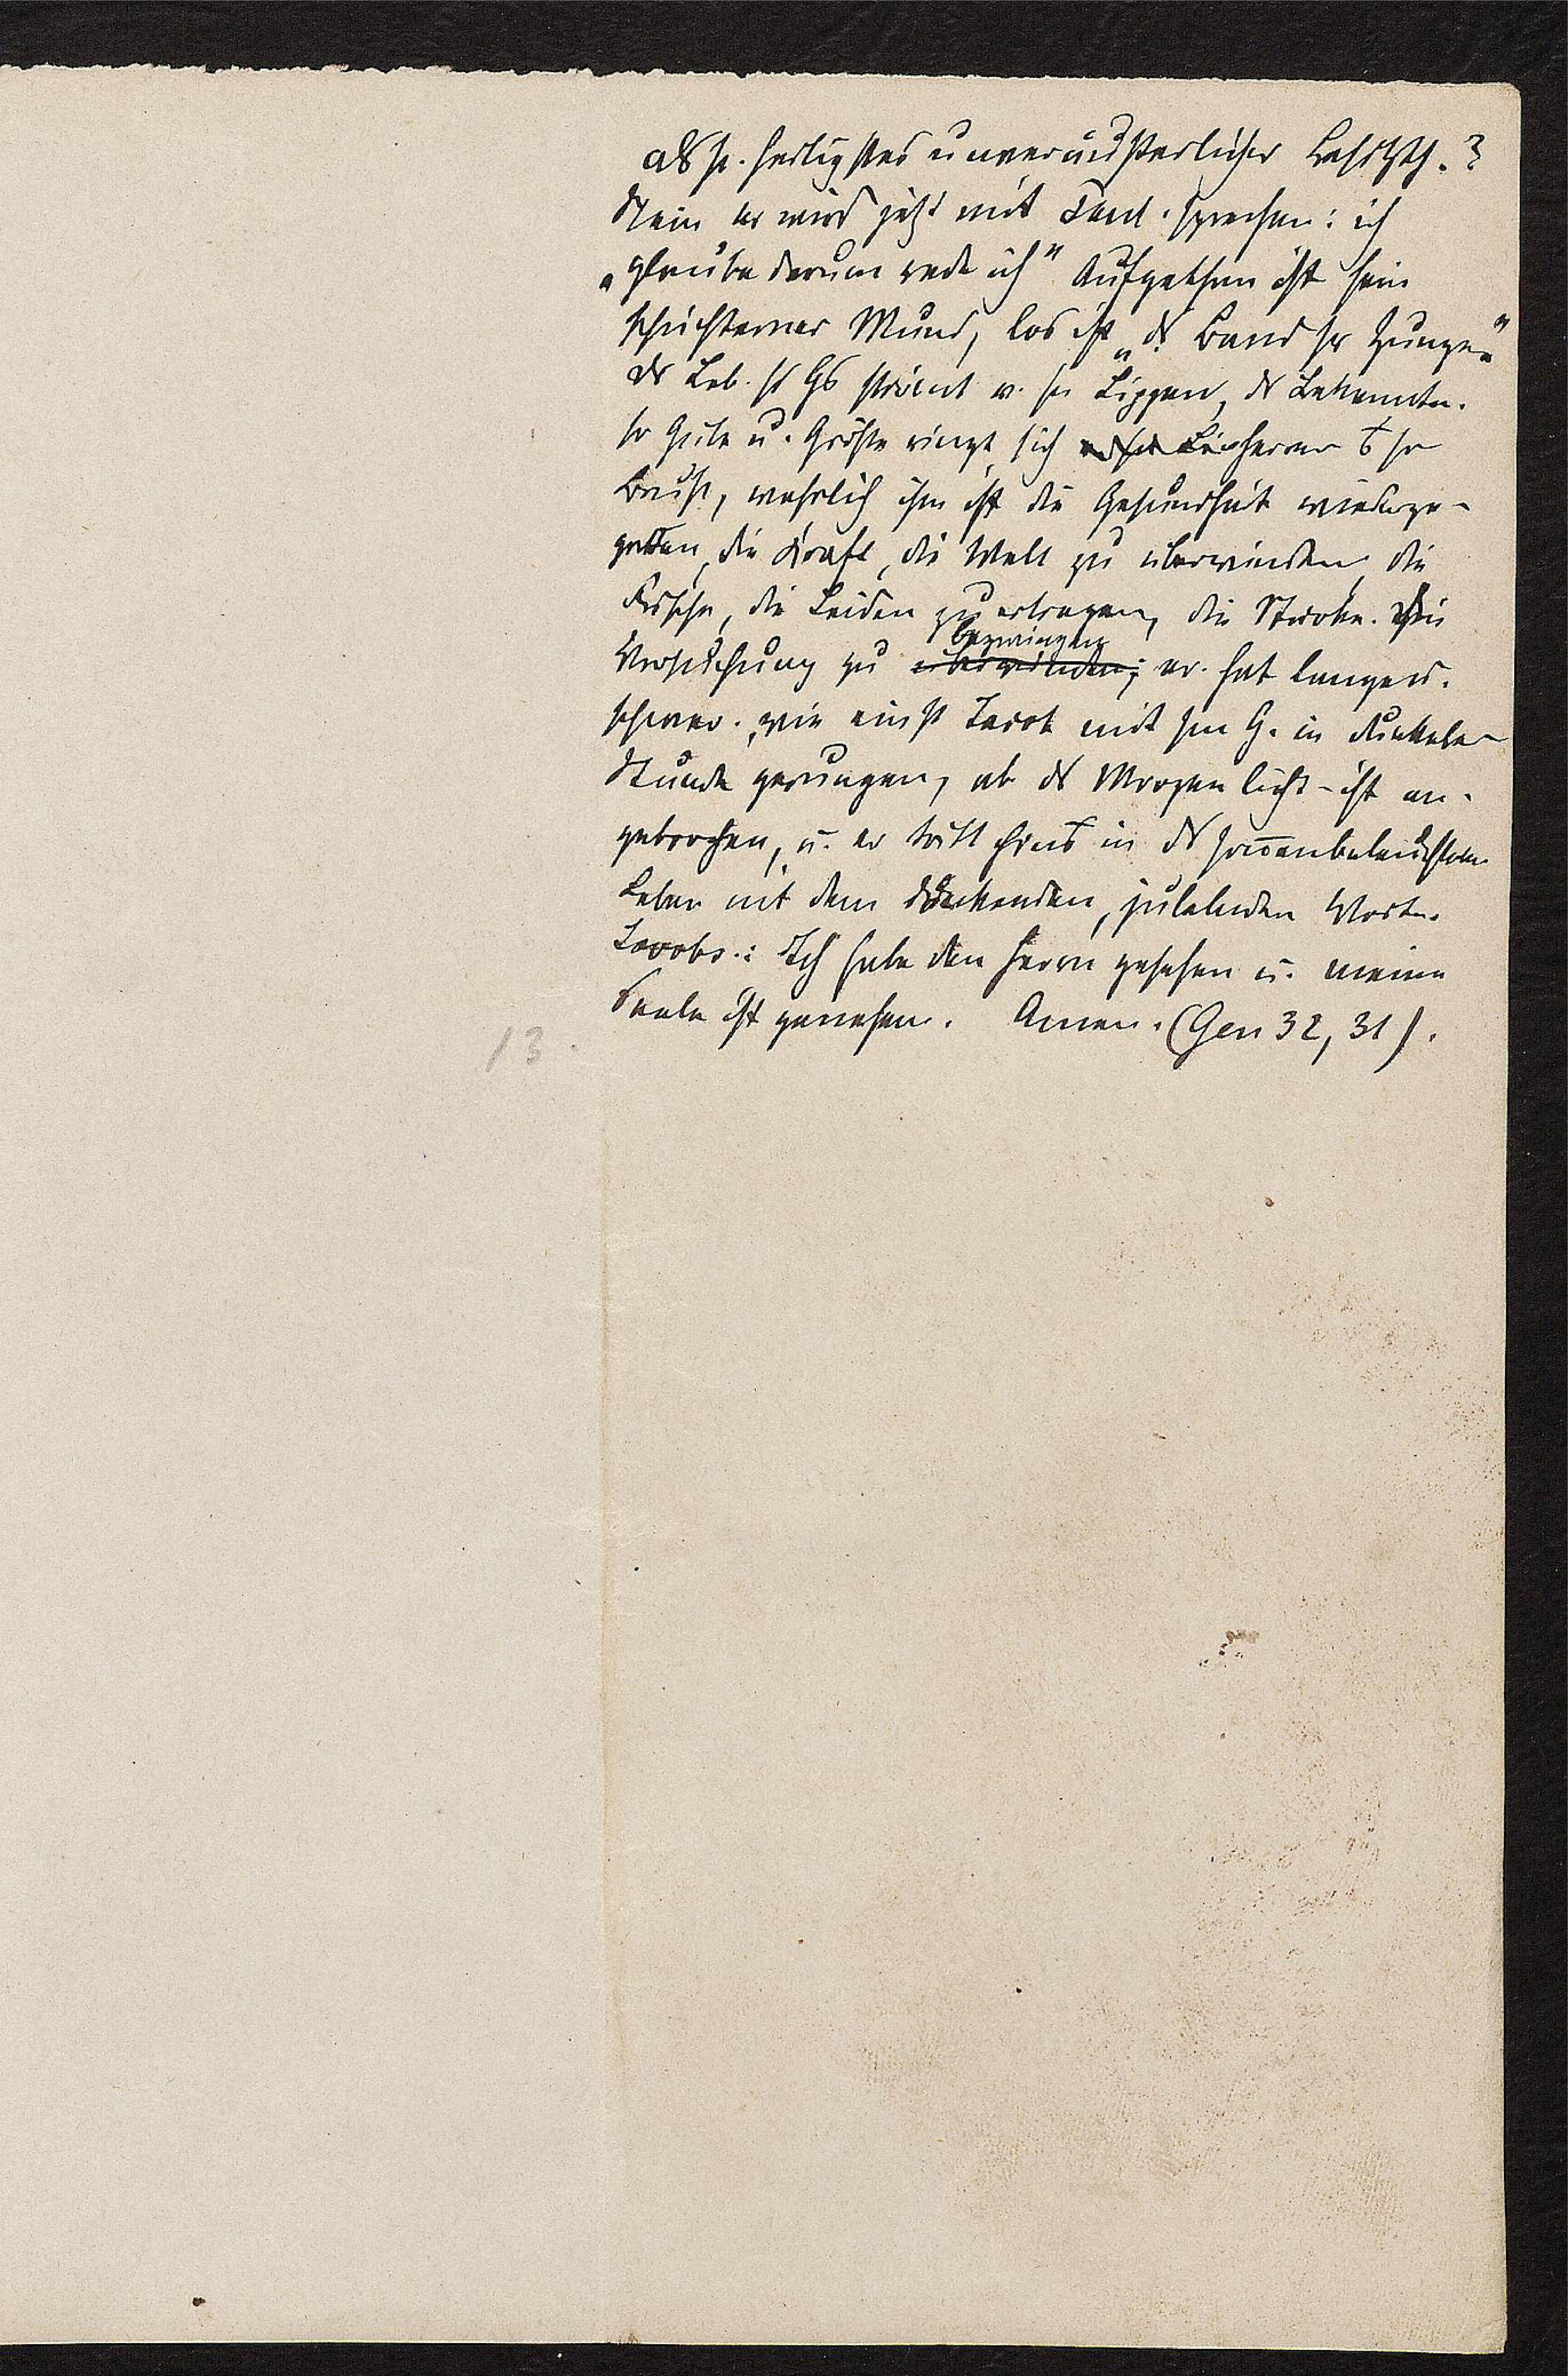als s. heiligstes unveräußerliches Besitzth.?
Nein er wird jetzt mit Paul. sprechen: ich
"glaube darum rede ich" Aufgethan ist sein
schüchterner Mund, los ist ds band sr Zunge"
ds Lob ss Gs strömt v sn Lippen, ds Bekannte
so Güte u. Größe ringt sich v sin Li hervor s sr
Brust, wahrlich ihm ist die Gesundheit wiederge¬
geben, die Kraft, die Welt zu überwinden, die
Frische, die Leiden zu. ertragen, die Stärke, die
bezwingen
Versuchung zu überwinden; er hat lange u.
schwer, wie einst Jacob mit sm G. in dunkler
Stunde gerungen, ab ds Morgenlicht ist an¬
gebrochen, u. er tritt heras ds sonenbeleuchtet
Leben mit dem dankenden, jubelnden Worte
Jacobs: ich habe den Herrn gesehen u. meine
Seele ist genesen. Amen. (Gen 32,31).